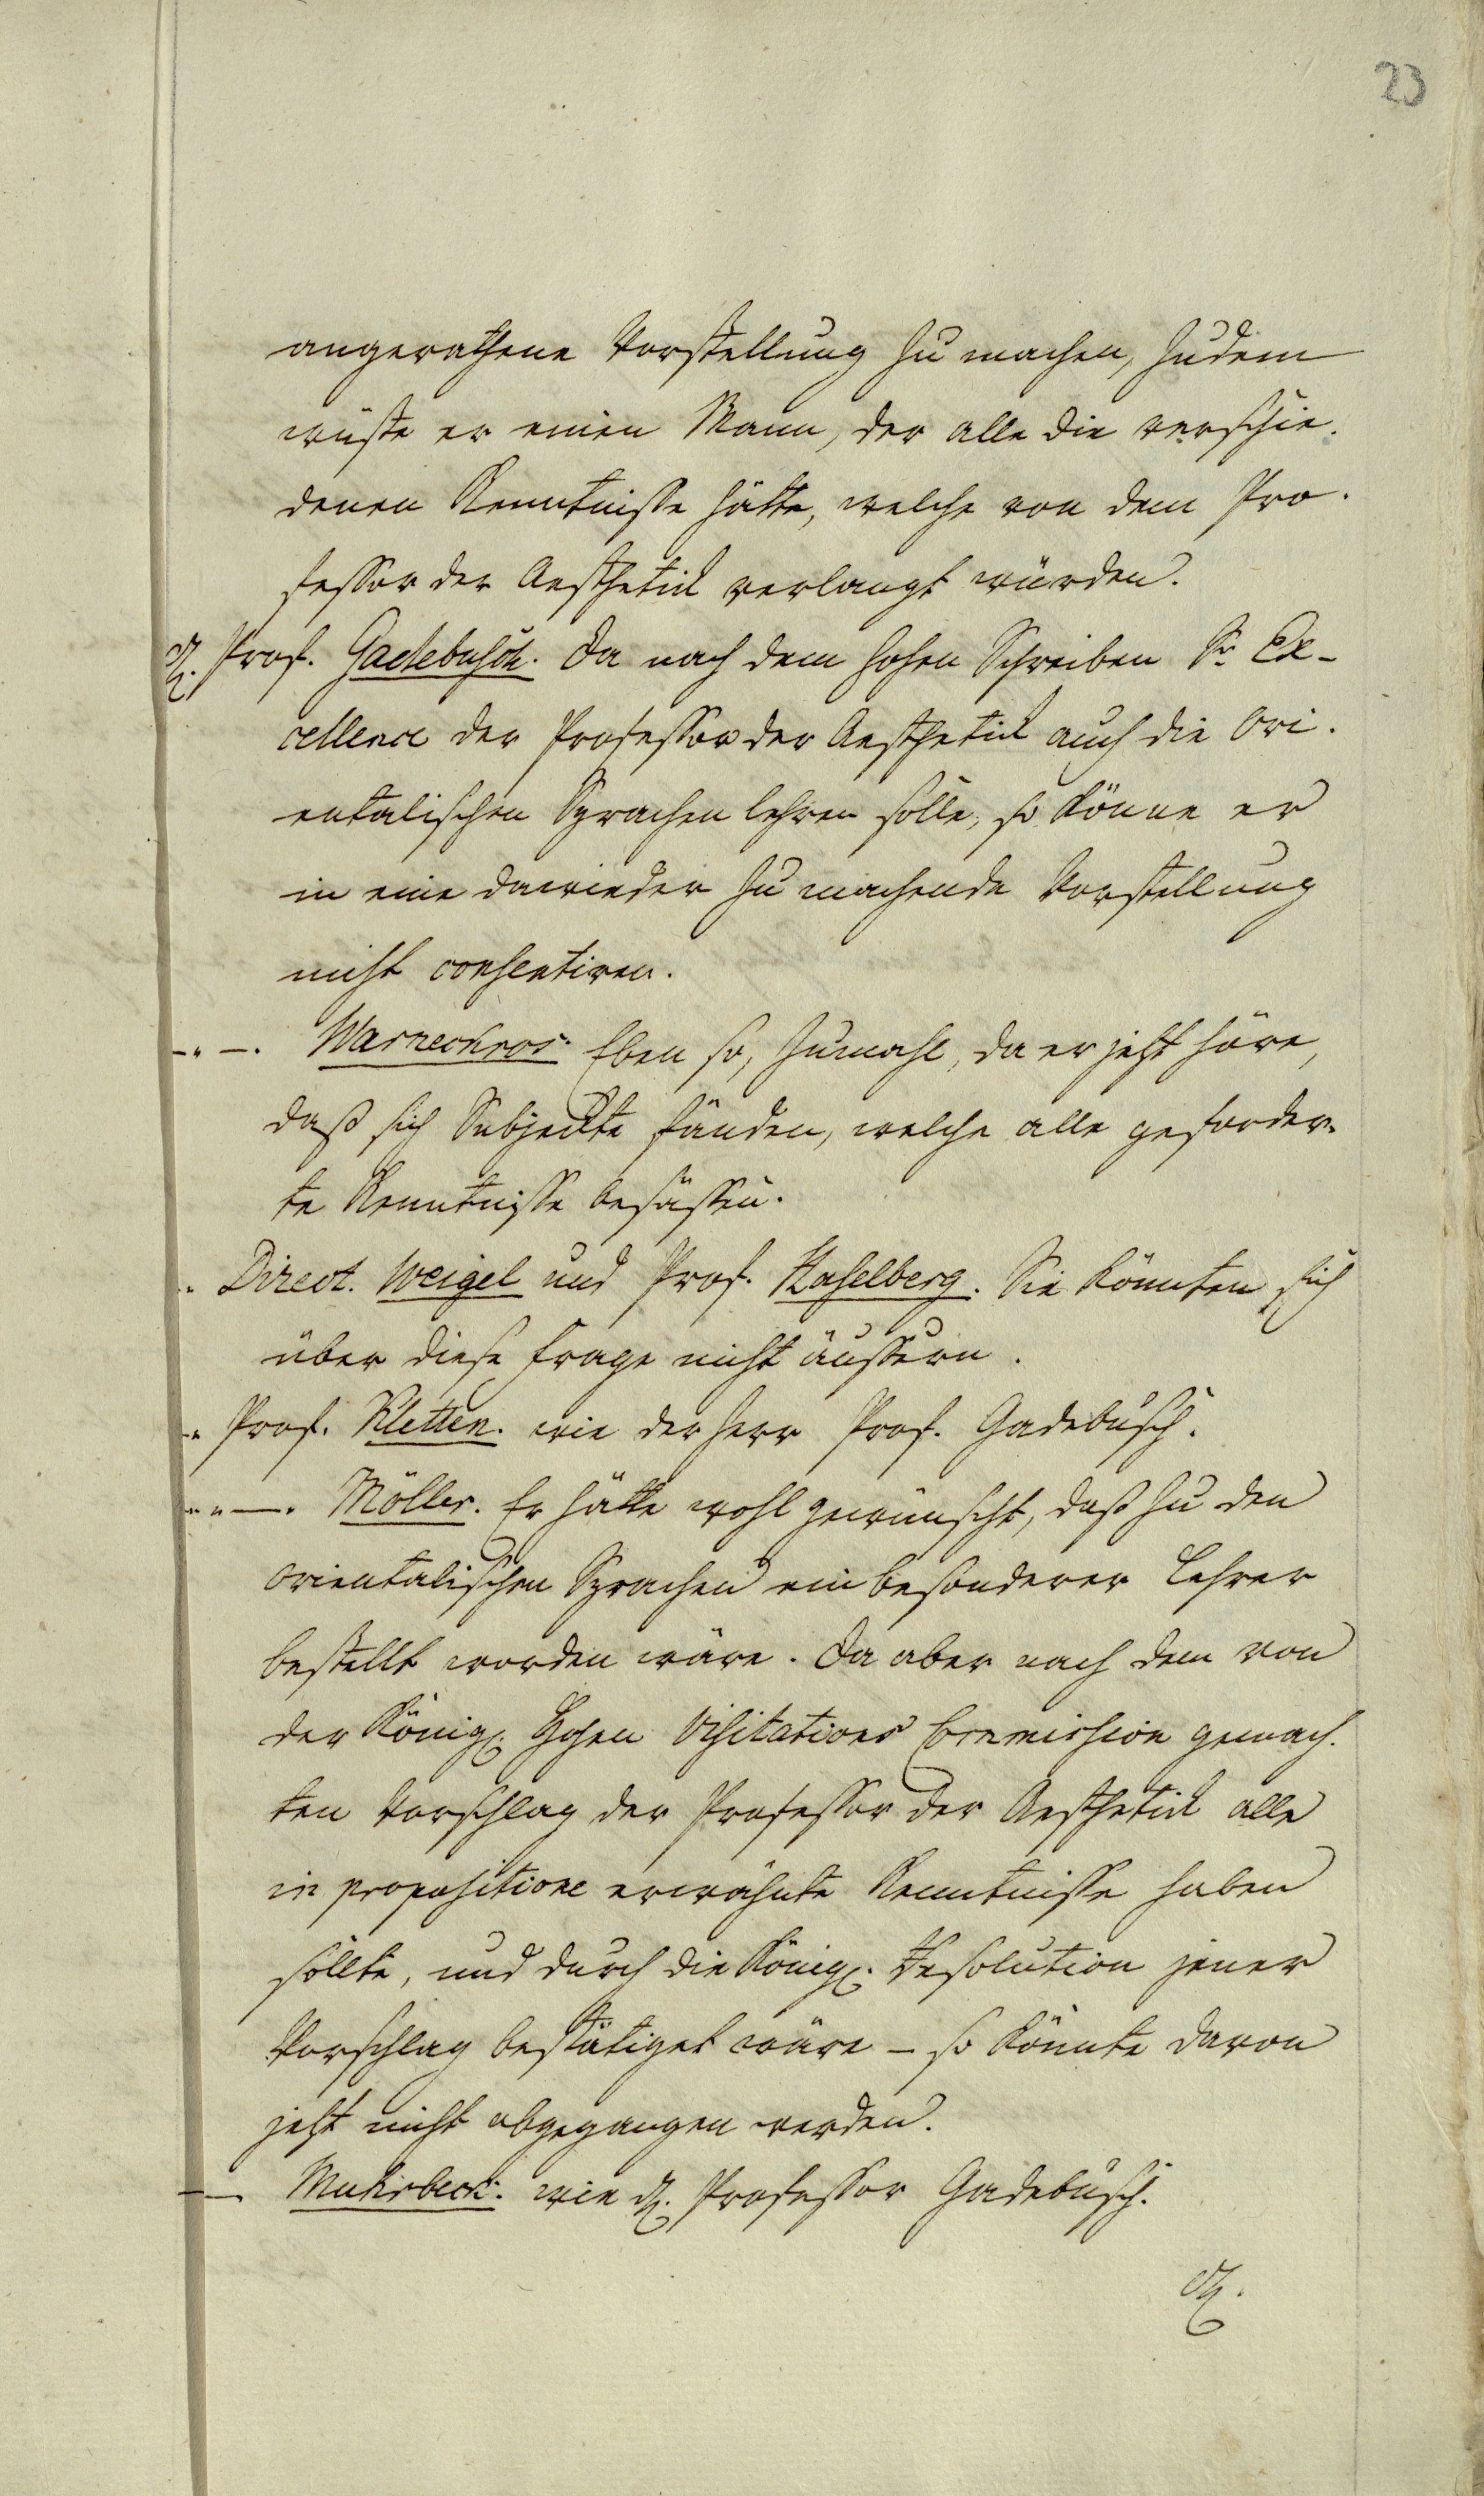angerathene Vorstellung zu machen, zudem
wüßte er einen Mann, der alle die verschie¬
denen Kenntnisse hätte, welche von dem Pro¬
fessor der Aesthetick verlangt würden.
dh. Prof. Gadebusch. Da nach dem hohen Schreiben Sr. Ex¬
cellence der Professor der Aesthetick auch die Ori¬
entalischen Sprachen lehren solle, so könne er
in eine dawieder zu machende Vorstellung
nicht consentiren.
— " — . Warneckros. Eben so, zumahl da er jetzt höre,
daß sich Subjeckte fänden, welche alle geforder¬
te Kenntnisse besässen.
— . Direct. Weigel und Prof. Haselberg. Sie könnten sich
über diese Frage nicht äussern.
— . Prof. Kletten. wie der Herr Prof. Gadebusch.
— " — . Möller. Er hätte wohl gewünscht, daß zu den
Orientalischen Sprachen ein besonderer Lehrer
bestellt worden wäre. Da aber nach dem von
der Königl. Hohen Visitations Commission gemach¬
ten Vorschlag der Professor der Aesthetick alle
in propositione erwähnte Kenntnisse haben
sollte, und durch die Königl. Resolution jener
Vorschlag bestätiget wäre — so könnte davon
jetzt nicht abgegangen werden.
— " — . Muhrbeck. wie dh. Professor Gadebusch.
dh.